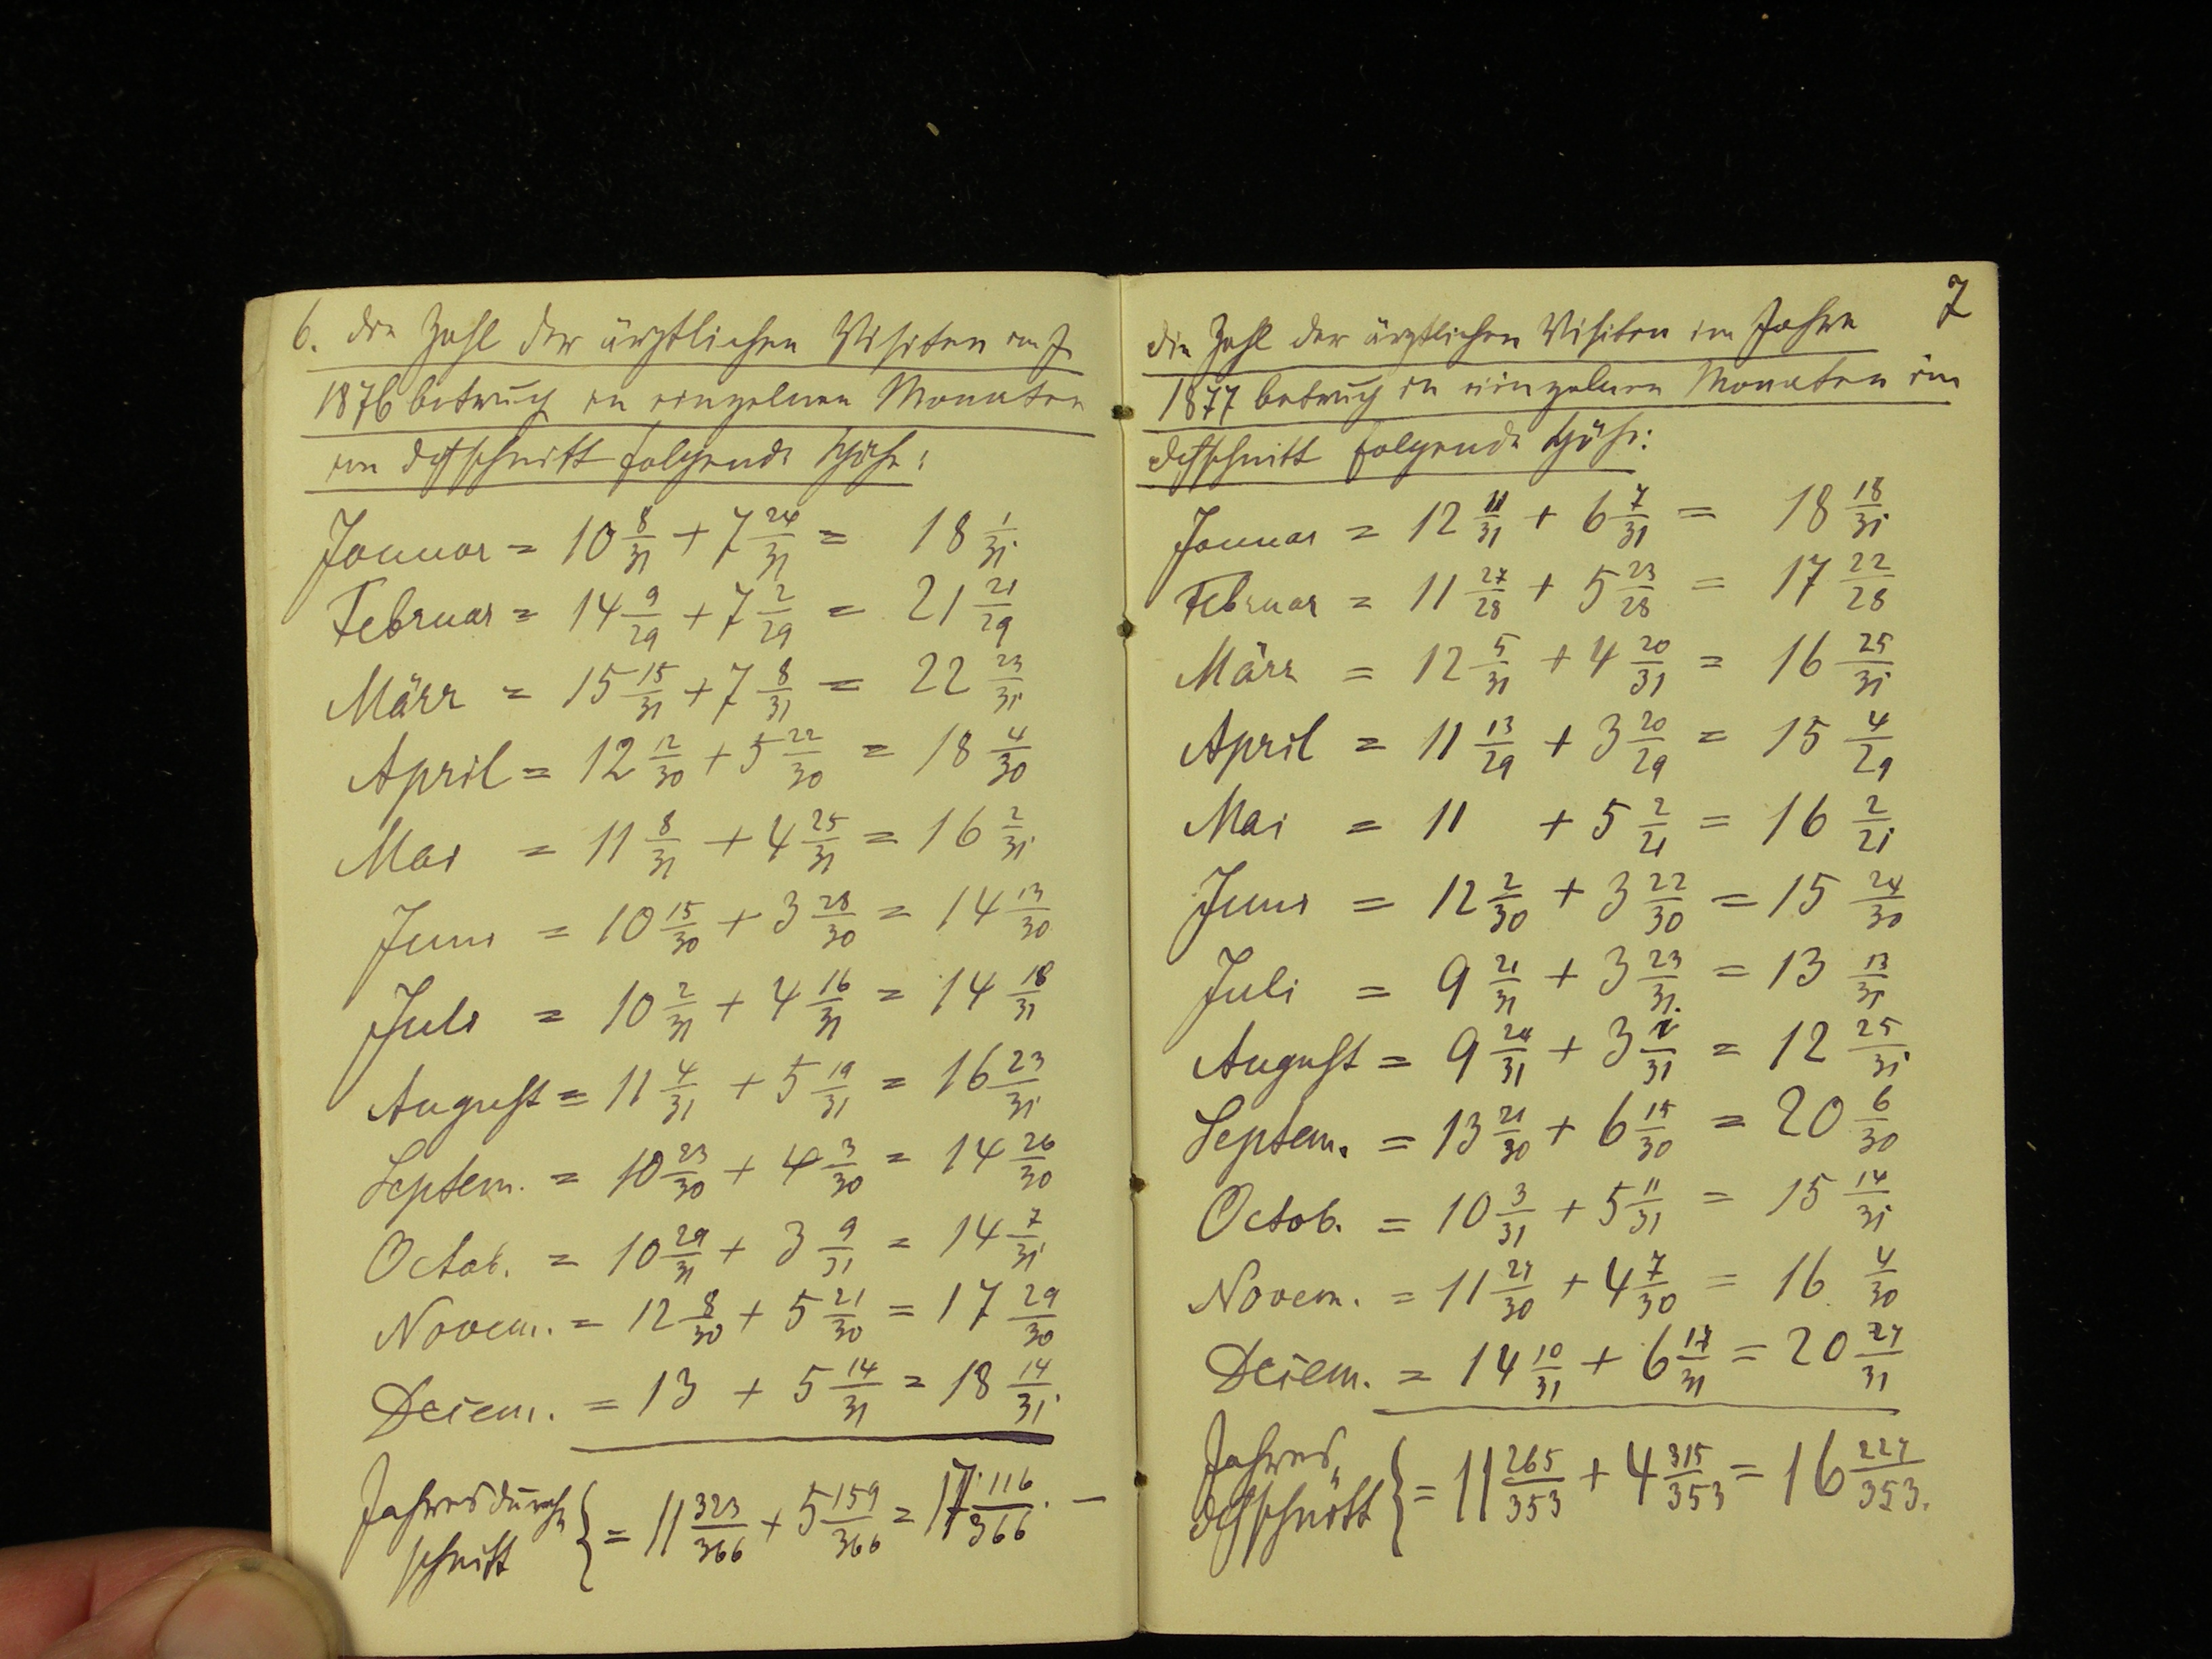6
Die Zahl der ärztlichen Visiten in J. 1876
betrug in einzelnen Monaten
im Durchschnitt folgende Höhe:
Januar = 10 8/31 + 7 24/31 = 18 1/31
Februar = 14 9/29 + 7 2/29 = 21 21/29
März = 15 15/31 + 7 8/31 = 22 23/31
April = 12 12/30 + 5 22/30 = 18 4/30
Mai = 11 8/31 + 4 25/31 = 16 2/31
Juni = 10 15/30 + 3 28/30 = 14 13/30
Juli = 10 2/31 + 4 16/31 = 14 18/31
August = 14 4/31 + 5 19/31 = 16 23/31
Septem. = 10 23/30 + 4 3/30 = 14 26/30
Octob. = 10 29/31 + 3 9/31 = 14 7/31
Novem. = 12 8/30 + 5 21/30 = 17 29/30
Decem. = 13 + 5 21/31 = 18 14/31
Jahres Durch¬
schnitt
= 11 323/366 + 5 151/366 = 17 116/366
7
Die Zahl der ärztlichen Visiten in J.
1876 betrug in einzelnen Monaten im
Durchschnitt folgende Höhe:
Januar = 12 11/31 + 6 7/31 = 18 18/31
Februar = 11 11/31 + 5 23/28 = 17 22/28
März = 12 5/31 + 4 20/31 = 16 25/31
April = 11 13/29 + 3 20/29 = 15 4/29
Mai = 11 + 5 2/21 = 16 2/21
Juni = 12 2/30 + 3 22/30 = 15 24/30
Juli = 9 21/31 + 3 23/31 = 13 13/31
August = 9 24/31 + 3 1/31 = 12 25/31
Septem. = 13 21/30 + 6 15/30 = 20 6/30
Octob. = 10 3/31 + 5 11/31 = 15 14/31
Novem. = 11 27/30 + 4 7/30 = 16 4/30
Decem. = 14 10/31 + 6 17/31 = 20 27/31
Jahres-
Durchschnitt
= 11 265/353 + 4 315/353 = 16 227/353